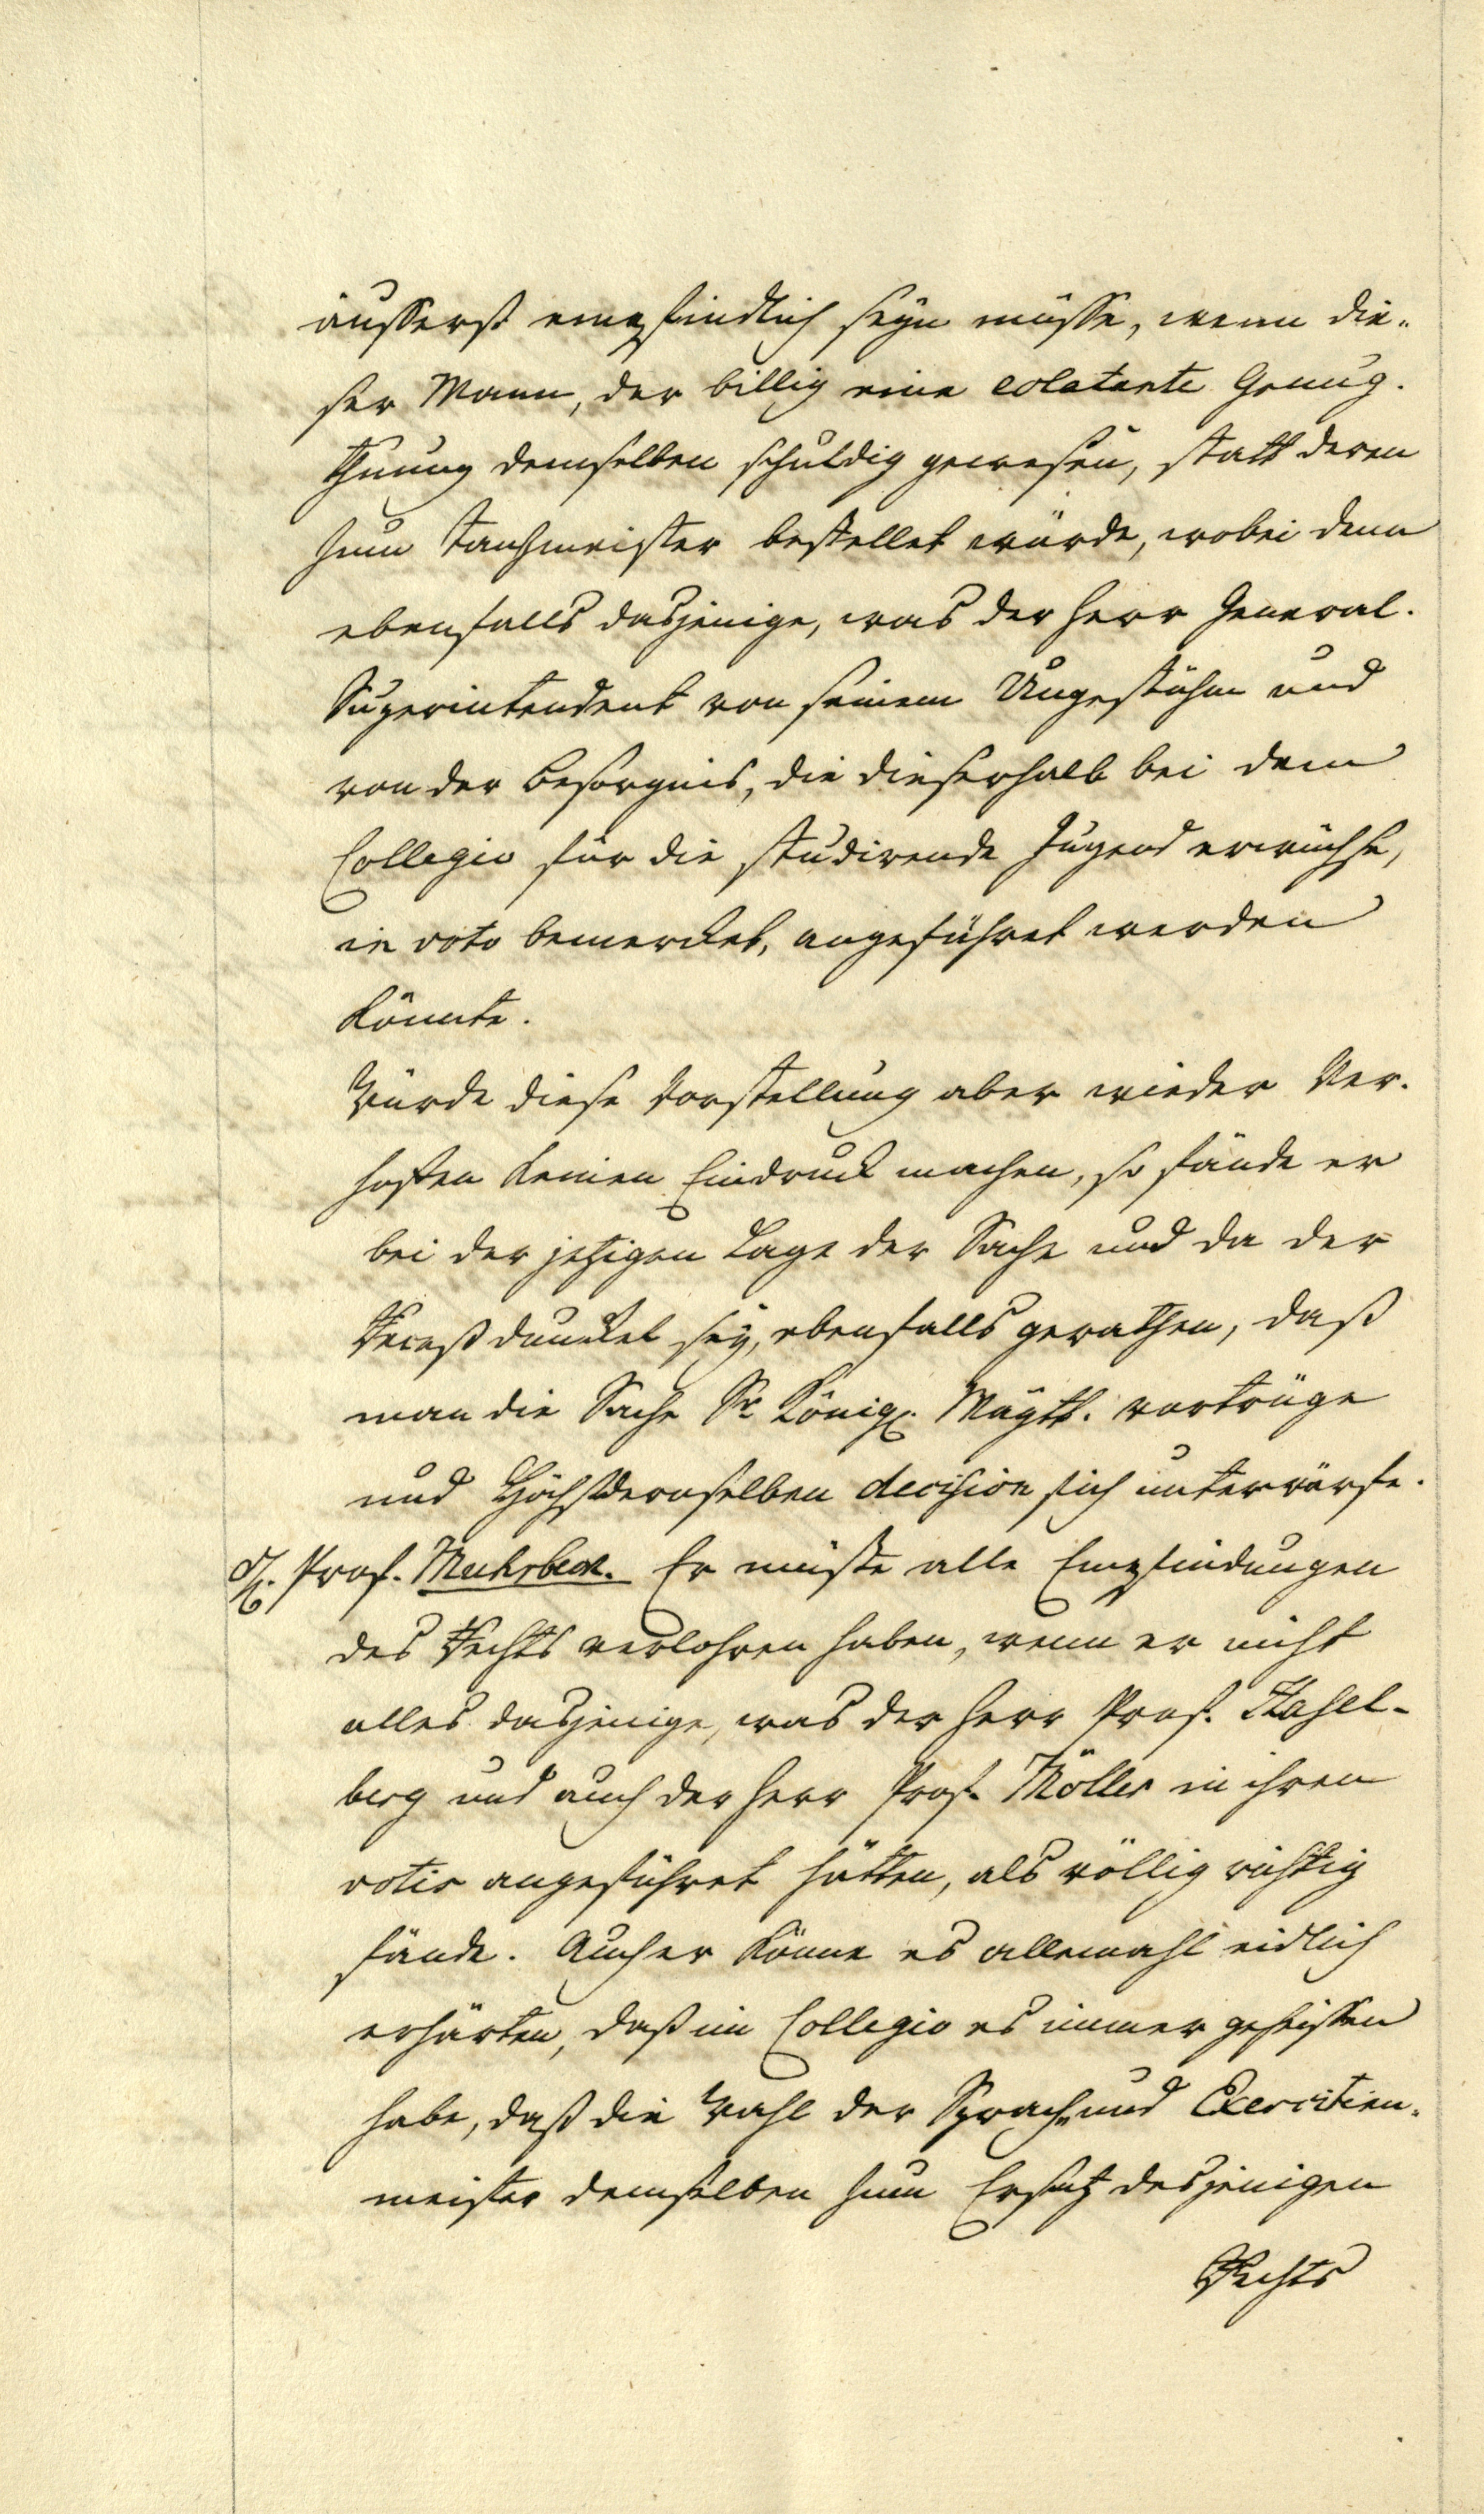äusserst empfindlich seÿn müsse, wenn die¬
ser Mann, der billig eine eclatante Genug¬
thuung demselben schuldig gewesen, statt deren
zum Tanzmeister bestellet würde, wobei denn
ebenfalls dasjenige, was der Herr General¬
Superintendent von seinem Ungestühm und
von der Besorgnis, die dieserhalb bei dem
Collegio für die studirende Jugend erwüchse,
in voto bemercket, angeführet werden
könnte.
Würde diese Vorstellung aber wieder Ver¬
hoffen keinen Eindruck machen, so fände er
bei der jetzigen Lage der Sache und da der
Receß dunckel seÿ, ebenfalls gerathen, daß
man die Sache Sr Königl. Maÿtt. vortrüge
und Höchstderoselben decision sich unterwürfe.
dh. Prof. Muhrbeck. Er müßte alle Empfindungen
des Rechts verlohren haben, wenn er nicht
alles dasjenige, was der Herr Prof. Hasel¬
berg und auch der Herr Prof. Möller in ihren
votis angeführet hätten, als völlig richtig
fände. Auch er könne es allemahl eidlich
erhärten, daß im Collegio es immer geheissen
habe, daß die Wahl der Sprach- und Exercitien¬
meister demselben zum Ersatz desjenigen
Rechts